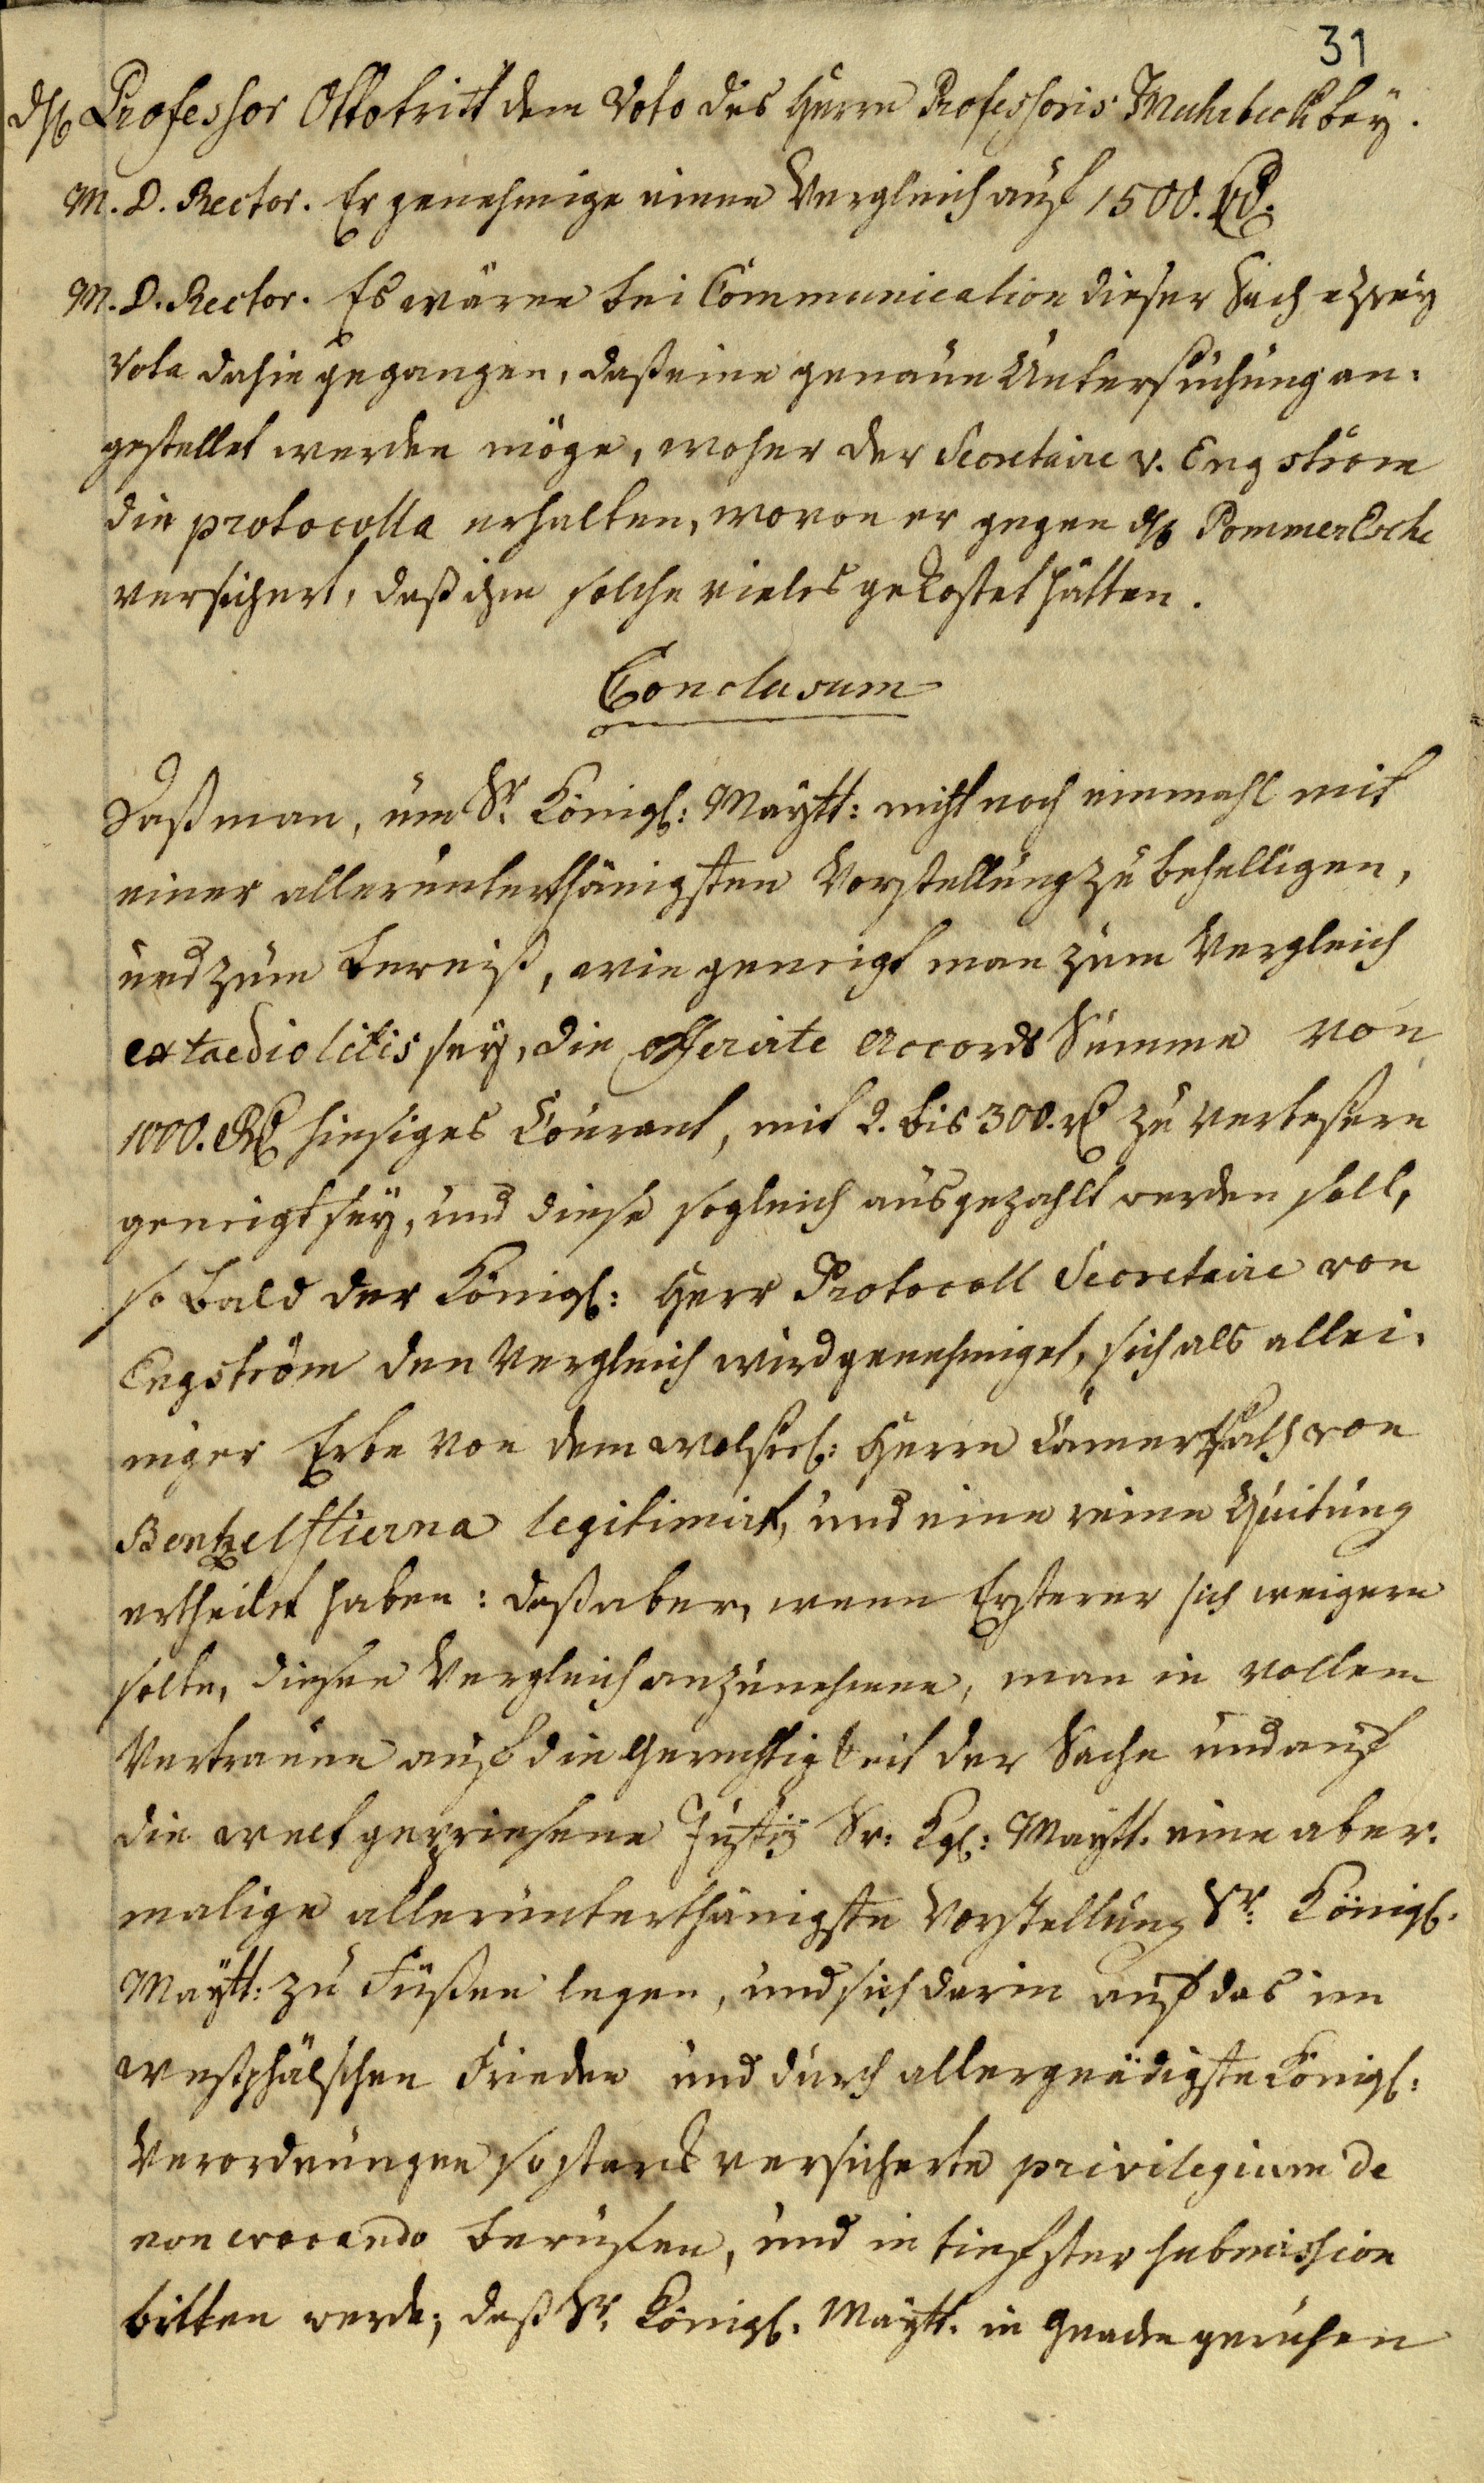dh Professor Otto tritt dem Voto des Herrn Professoris Muhrbeck beÿ.
M. D. Rector. Er genehmige einen Vergleich auf 1500 r.
M. D. Rector. Es wären bei Communication dieser Sache zweÿ
Vota dahin gegangen, daß eine genaue Untersuchung an¬
gestellet werden möge, woher der Secretaire v. Engström
die protocolla erhalten, wovon er gegen dh PommerEsche
versichert, daß ihm solche vieles gekostet hätten.
Conclusum
Daß man, um Sr Königl. Maÿtt. nicht noch einmahl mit
einer allerunterthänigsten Vorstellung zu behelligen,
und zum Beweiß, wie geneigt man zum Vergleich
ex taedio litis seÿ, die offerirte AccordsSumme von
1000. R. hiesiges Courant, mit 2. bis 300 r. zu verbeßern
geneigt seÿ, und diese sogleich ausgezahlt werden soll,
so bald der Königl. Herr Protocoll Secretaire von
Engström den Vergleich wird genehmiget, sich als allei¬
niger Erbe von dem wolseel. Herrn CammerRath von
Bentzelstierna legitimirt, und und eine reine Quitung
ertheilet haben: daß aber wenn ersterer sich weigern
solte, diesen Vergleich anzunehmen, man in vollem
Vertrauen auf die Gerechtigkeit der Sache und auf
die weit gepriesene Justiz Sr. Maÿtt. eine aber¬
malige allerunterthänigste Vorstellung
Sr. Königl.
Maÿtt. zu Füßen legen, und sich darin auf das im
Westphälischen Frieden und durch allergnädigste Königl.
Verordnungen so starck versicherte privilegium de
non evocando berufen, und in tiefster submission
bitten werde, daß Sr Königl. Maÿtt. in Gnaden geruhen